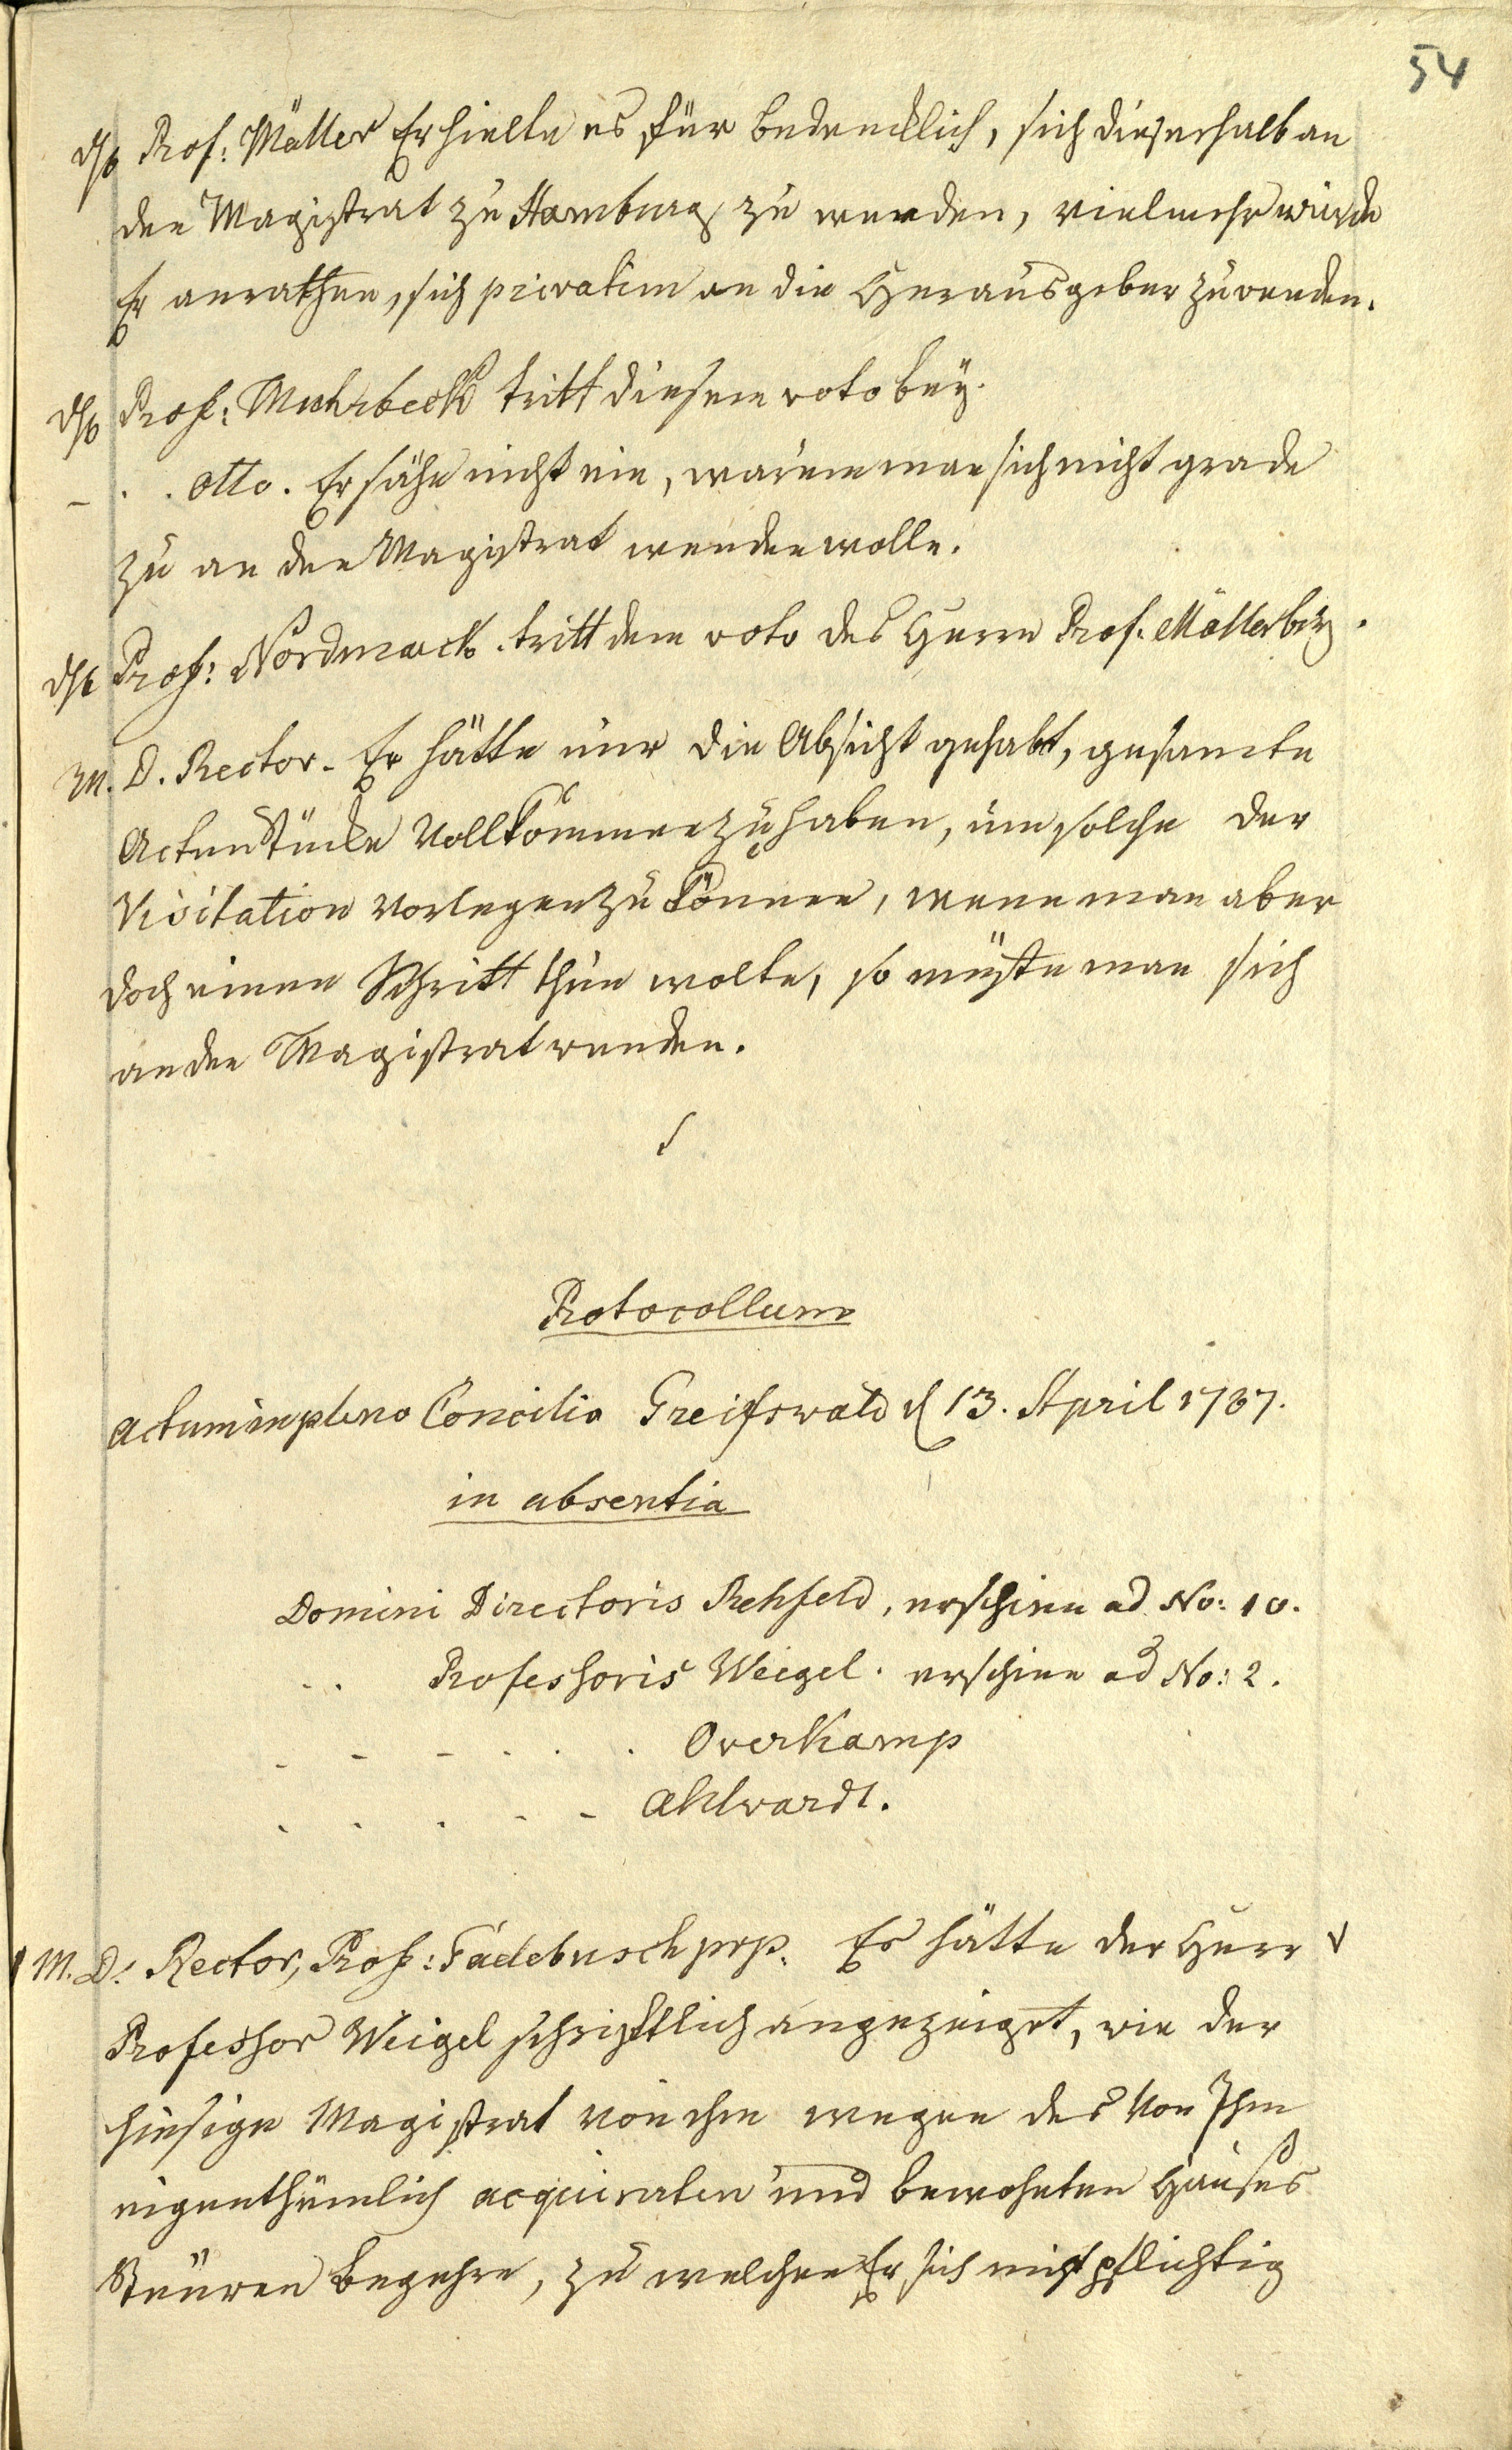dh Prof. Möller Er hielte es für bedenklich, sich dieserhalb an
den Magistrat zu Hamburg zu wenden, vielmehr würde
Er anrathen, sich privatim an die Herausgeber zu wenden.
dh Prof. Muhrbeck tritt diesem voto beÿ.
Otto. Er sähe nicht ein, warum man sich nicht grade
zu an den Magistrat wenden wolle.
dh Prof. Nordmarck. tritt dem voto des Herrn Prof Möller beÿ.
M. D. Rector. Er hätte nur die Absicht gehabt, gesamte
Actenstücke vollkommen zuhaben, um solche der
Visitation vorlegen zu können, wenn man aber
doch einen Schritt thun wolte, so müste man sich
an den Magistrat wenden.
Protocollum
Atum in pleno Concilio Greifswald d 13. April 1787.
in absentia
Domini Directoris Rehfeld, erscheinen ad No. 1 c.
Professoris Weigel erscheinen ad No 2.
Overkamp
Ahlwardt.
M. D. Rector Prof. Gadebusch prp. Es hätte der Herr
Professor Weigel schriftlich angezeiget, wie der
hiesige Magistrat von ihm wegen des vor Ihm
eigenthümlich acquirirten und bewohnten Hauses
Steuren begehre, zu welchen Er sich nicht pflichtig